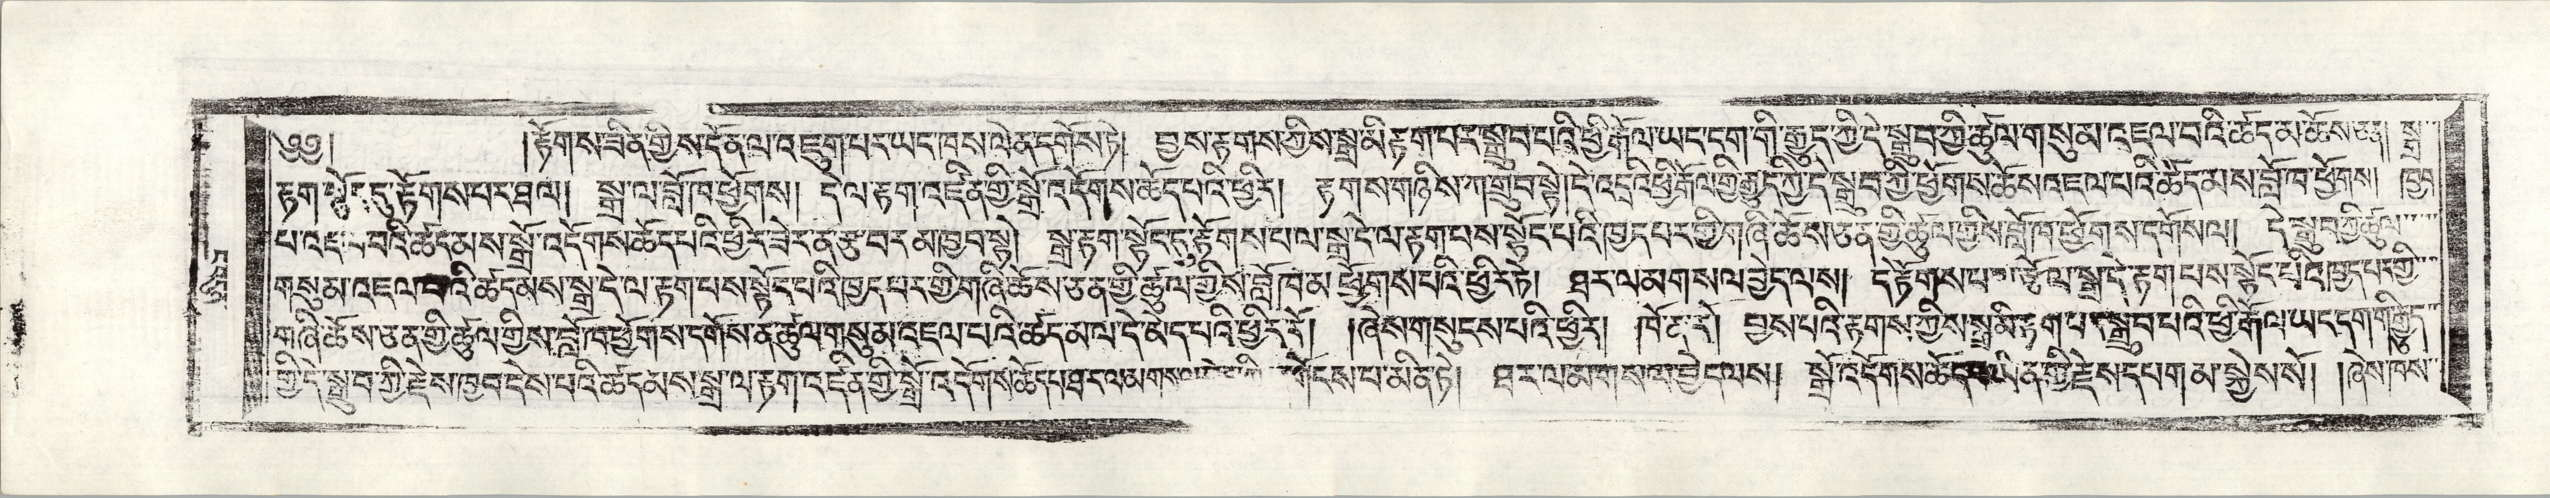༄༅། །རྟོགས་ཟིན་གྱི་དོན་ལ་འཇུག་པར་ཡང་ཁས་ལེན་དགོས་ཏེ། བྱས་རྟགས་ཀྱིས་སྒྲ་མི་རྟག་པར་སྒྲུབ་པའི་ཕྱི་རྒོལ་ཡང་དག་གི་རྒྱུད་ཀྱི་དེ་སྒྲུབ་ཀྱི་ཚུལ་གསུམ་འཇལ་བའི་ཚད་མ་ཆོས་ཅན། སྒྲ་
རྟག་སྟོང་དུ་རྟོགས་པར་ཐལ། སྒྲ་ལ་བློ་ཁ་ཕྱོགས། དེ་ལ་རྟག་འཛིན་གྱི་སྒྲོ་འདོགས་ཆོད་པའི་ཕྱིར། རྟགས་གཉིས་ཀ་གྲུབ་སྟེ། དེ་འདྲའི་ཕྱི་རྒོལ་གྱི་རྒྱུད་ཀྱི་དེ་སྒྲུབ་ཀྱི་ཕྱོགས་ཆོས་འཇལ་བའི་ཚད་མས་བློ་ཁ་ཕྱོགས། ཁྱབ་
པ་འཇལ་བའི་ཚད་མས་སྒྲོ་འདོགས་ཆོད་པའི་ཕྱིར་ཟེར་ན་རྩ་བར་མ་ཁྱབ་སྟེ། སྒྲ་རྟག་སྟོང་དུ་རྟོགས་པ་ལ་སྒྲ་དེ་ལ་རྟག་པས་སྟོང་པའི་ཁྱད་པར་གྱི་གཞི་ཆོས་ཅན་གྱི་ཚུལ་གྱིས་བློ་ཁ་ཕྱོགས་དགོས་ལ། དེ་སྒྲུབ་ཀྱི་ཚུལ་
གསུམ་འཇལ་བའི་ཚད་མས་སྒྲ་དེ་ལ་རྟག་པས་སྟོང་བའི་ཁྱད་པར་གྱི་གཞི་ཆོས་ཅན་གྱི་ཚུལ་གྱིས་བློ་ཁ་མ་ཕྱོགས་པའི་ཕྱིར་ཏེ། ཐར་ལམ་གསལ་བྱེད་ལས། དེ་རྟོགས་པ་ལ་རྩོལ་སྒྲ་དེ་རྟག་པས་སྟོང་པའི་ཁྱད་པར་གྱི་
གཞི་ཆོས་ཅན་གྱི་ཚུལ་གྱིས་བློ་ཁ་ཕྱོགས་དགོས་ན་ཚུལ་གསུམ་འཇལ་བའི་ཚད་མ་ལ་དེ་མེད་པའི་ཕྱིར་རོ། །ཞེས་གསུངས་པའི་ཕྱིར། ཁོ་ན་རེ། བྱས་པའི་རྟགས་ཀྱིས་སྒྲ་མི་རྟག་པར་སྒྲུབ་པའི་ཕྱི་རྒོལ་ཡང་དག་གི་རྒྱུད་
གྱི་དེ་སྒྲུབ་ཀྱི་རྗེས་ཁྱབ་ངེས་པའི་ཚད་མས་སྒྲ་ལ་རྟག་འཛིན་གྱི་སྒྲོ་འདོགས་ཆོད་པ་ཐར་ལམ་གསལ་བྱེད་ཀྱི་དགོངས་པ་མིན་ཏེ། ཐར་ལམ་གསལ་བྱེད་ལས། སྒྲོ་འདོགས་ཆོད་པ་ཡིན་གྱི་རྗེས་དཔག་མ་སྐྱེས་སོ། །ཞེས་ཁས་